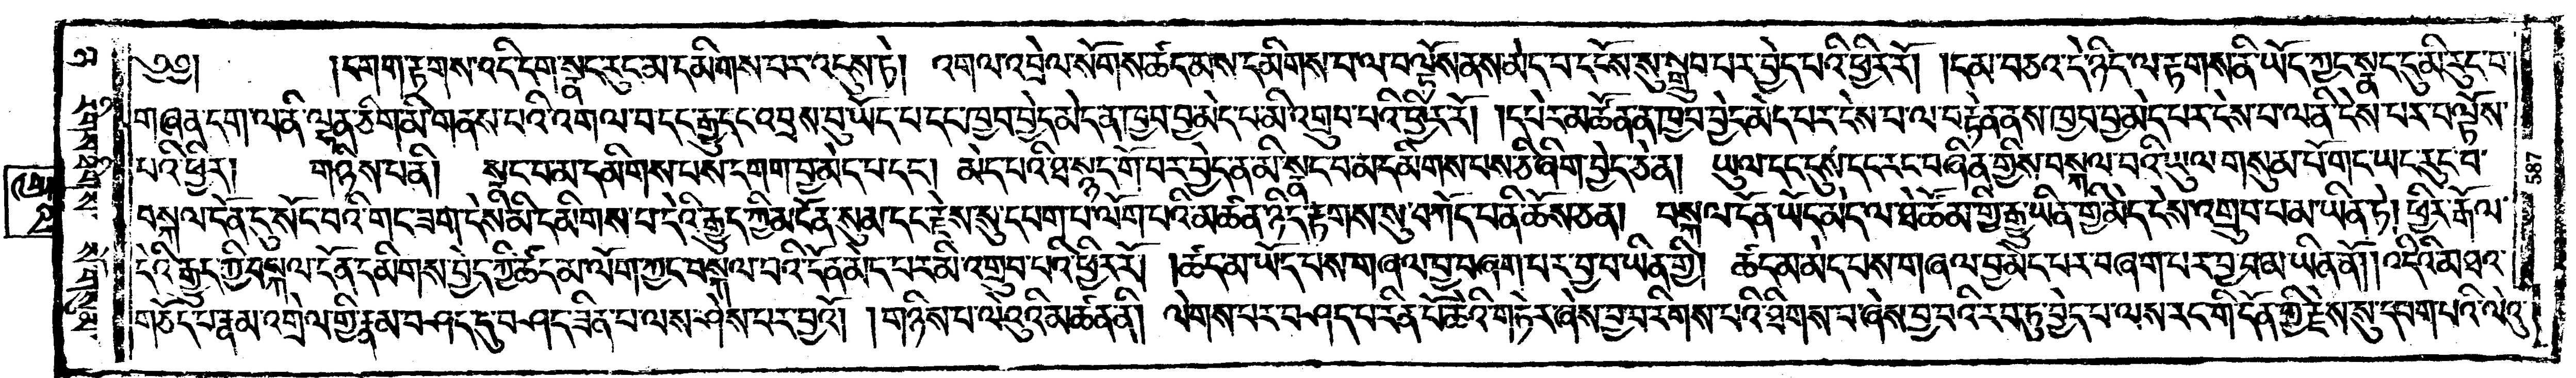༄༅། །དགག་རྟགས་འདི་དག་སྣང་རུང་མ་དམིགས་པར་འདུས་ཏེ། འགལ་འབྲེལ་སོགས་ཚད་མས་དམིགས་པ་ལ་བལྟོས་ནས་མེད་པ་དངོས་སུ་སྒྲུབ་པར་བྱེད་པའི་ཕྱིར་རོ། །དམ་བཅའ་དེ་ཉིད་ལ་རྟགས་ནི་ཡོད་ཀྱང་སྣང་དུ་མི་རུང་བ་
གཞན་དག་ལ་ནི་ལྷན་ཅིག་མི་གནས་པའི་འགལ་བ་དང་རྒྱུ་དང་འབྲས་བུ་ཡོད་པ་དང་ཁྱབ་བྱེད་མེད་ན་ཁྱབ་བྱ་མེད་པ་མི་འགྲུབ་པའི་ཕྱིར་རོ། །དཔེར་མཚོན་ན་ཁྱབ་བྱེད་མེད་པར་ངེས་པ་ལ་བརྟེན་ནས་ཁྱབ་བྱ་མེད་པར་ངེས་པ་ལ་ནི་ངེས་པར་བལྟོས་
པའི་ཕྱིར། གཉིས་པ་ནི། སྣང་བ་མ་དམིགས་པས་དགག་བྱ་མེད་པ་དང་། མེད་པའི་ཐ་སྙད་གོ་བར་བྱེད་ན་མི་སྣང་བ་མ་དམིགས་པས་ཅི་ཞིག་བྱེད་ཅེ་ན། ཡུལ་དང་དུས་དང་རང་བཞིན་གྱིས་བསྐལ་བའི་ཡུལ་གསུམ་པོ་གང་ཡང་རུང་བ་
བསྐལ་དོན་དུ་སོང་བའི་གང་ཟག་དེས་མི་དམིགས་པ་དེའི་རྒྱུད་ཀྱི་མངོན་སུམ་དང་རྗེས་སུ་དཔག་པ་ལོག་པའི་མཚན་ཉིད་རྟགས་སུ་བཀོད་པ་ནི་ཆོས་ཅན། བསྐལ་དོན་ཡོད་མེད་ལ་ཐེ་ཚོམ་གྱི་རྒྱུ་ཡིན་གྱི་མེད་ངེས་འགྲུབ་པ་མ་ཡིན་ཏེ། ཕྱིར་རྒོལ་
དེའི་རྒྱུད་ཀྱི་བསྐལ་དོན་དམིགས་བྱེད་ཀྱི་ཚད་མ་ལོག་ཀྱང་བསྐལ་བའི་དོན་མེད་པར་མི་འགྲུབ་པའི་ཕྱིར་རོ། །ཚད་མ་ཡོད་པས་གཞལ་བྱ་བཞག་པར་བྱ་བ་ཡིན་གྱི། ཚད་མ་མེད་པས་གཞལ་བྱ་མེད་པར་བཞག་པར་བྱ་བ་མ་ཡིན་ནོ། །འདིའི་མཐའ་
གཅོད་པ་རྣམ་འགྲེལ་གྱི་རྣམ་བཤད་དུ་བཤད་ཟིན་པ་ལས་ཤེས་པར་བྱའོ། །གཉིས་པ་ལེའུའི་མཚན་ནི། ལེགས་པར་བཤད་པ་རིན་པོ་ཆེའི་གཏེར་ཞེས་བྱ་བ་རིགས་པའི་ཐིགས་པ་ཞེས་བྱ་བའི་རབ་ཏུ་བྱེད་པ་ལས་རང་གི་དོན་གྱི་རྗེས་སུ་དཔག་པའི་ལེའུ་